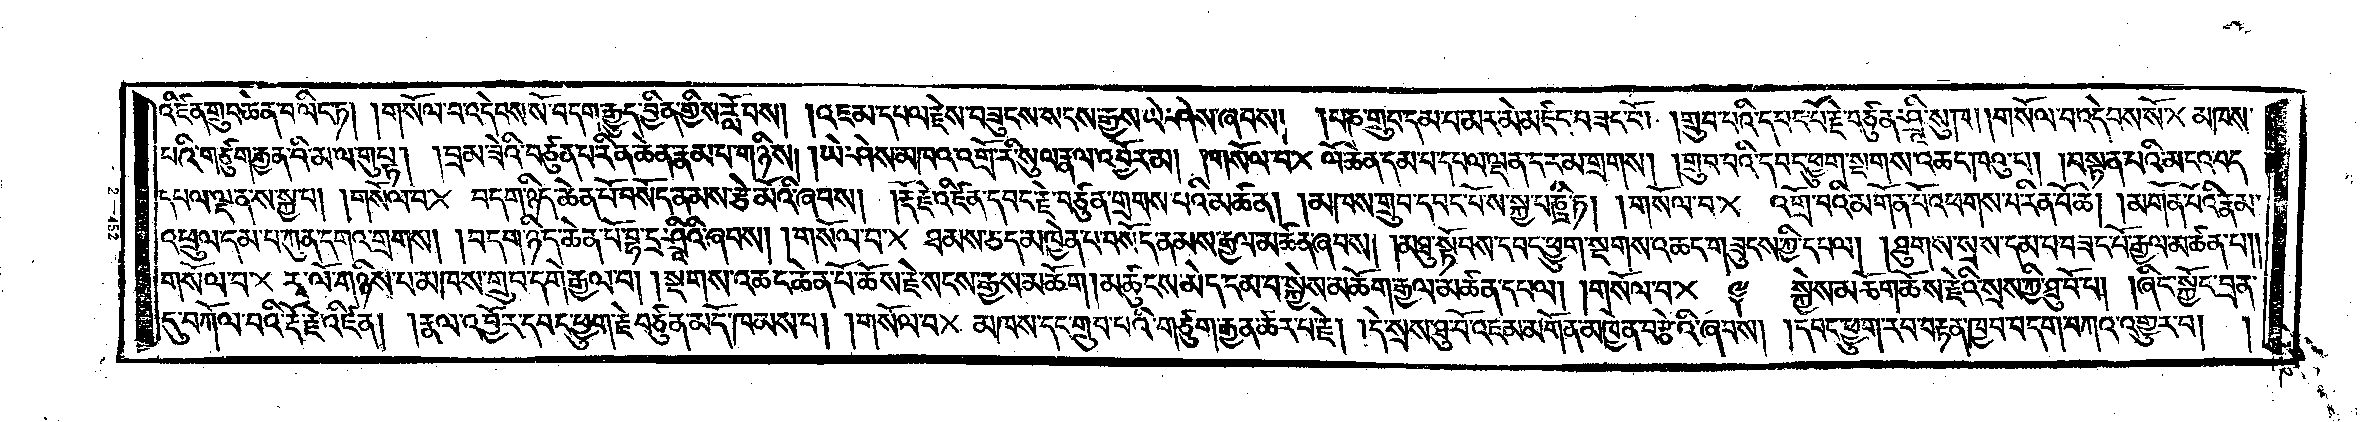འཛིན་གྲུབ་ཆེན་བ་ལིང་ཏ། །གསོལ་བ་འདེབས་སོ་བདག་རྒྱུད་བྱིན་གྱིས་རློབས། །འཇམ་དཔལ་རྗེས་བཟུངས་སངས་རྒྱས་ཡེ་ཤེས་ཞབས། །པཎ་གྲུབ་དམ་པ་མར་མེ་མཛད་བཟང་པོ། །གྲུབ་པའི་དབང་པོ་རྗེ་བཙུན་ཤྲཱི་སུ་ཁ། །གསོལ་བ་འདེབས་སོ་྾་མཁས་
པའི་གཙུག་རྒྱན་བི་མ་ལ་གུཔྟ། །བྲམ་ཟེའི་བཙུན་པ་རིན་ཆེན་རྣམ་པ་གཉིས། །ཡེ་ཤེས་མཁའ་འགྲོ་རི་སུལ་རྣལ་འབྱོར་མ། །གསོལ་བ་྾་ལོ་ཆེན་དམ་པ་དཔལ་ལྡན་དར་མ་གྲགས། །གྲུབ་བའི་དབང་ཕྱུག་སྔགས་འཆང་ཁའུ་བ། །བསྟན་པའི་མངའ་བད་
དཔལ་ལྡན་ས་སྐྱ་བ། །གསོལ་བ་྾་བདག་ཉིད་ཆེན་པོ་བསོད་ནམས་རྩེ་མོའི་ཞབས། །རྡོ་རྗེ་འཛིན་དབང་རྗེ་བཙུན་གྲགས་པའི་མཚན། །མཁས་གྲུབ་དབང་པོས་སྐྱ་པཎྜི་ཏ། །གསོལ་བ་྾་འགྲོ་བའི་མགོན་པོ་འཕགས་པ་རིན་པོ་ཆེ། །མགོན་པོའི་རྣམ་
འཕྲུལ་དམ་པ་ཀུན་དགའ་གྲགས། །བདག་ཉིད་ཆེན་པོ་བྷ་དྲ་ཤྲཱིའི་ཞབས། །གསོལ་བ་྾་ཐམས་ཅད་མཁྱེན་པ་བསོད་ནམས་རྒྱལ་མཚན་ཞབས། །མཐུ་སྟོབས་དབང་ཕྱུག་སྔགས་འཆང་གཟུངས་ཀྱི་དཔལ། །ཐུགས་སྲས་དམ་པ་བཟང་པོ་རྒྱལ་མཚན་པ།།
གསོལ་བ་྾་རྭ་ལོ་གཉིས་པ་མཁས་གྲུབ་དགེ་རྒྱལ་བ། །སྔགས་འཆང་ཆེན་པོ་ཆོས་རྗེ་སངས་རྒྱས་མཆོག །མཚུངས་མེད་དམ་པ་སྐྱེས་མཆོག་རྒྱལ་མཚན་དཔལ། །གསོལ་བ་྾་༈ སྐྱེས་མཆོག་ཆོས་རྗེའི་སྲས་ཀྱི་ཐུ་བོ་པ། །ཞིང་སྐྱོང་བྲན་
དུ་བཀོལ་བའི་རྡོ་རྗེ་འཛིན། །རྣལ་འབྱོར་དབང་ཕྱུག་རྗེ་བཙུན་མདོ་ཁམས་པ། །གསོལ་བ་྾་མཁས་དང་གྲུབ་པའི་གཙུག་རྒྱན་ཚར་པ་རྗེ། །དེ་སྲས་ཐུ་བོ་འཇམ་མགོན་མཁྱེན་བརྩེའི་ཞབས། །དབང་ཕྱུག་རབ་བརྟན་ཁྱབ་བདག་བཀའ་འགྱུར་བ། །